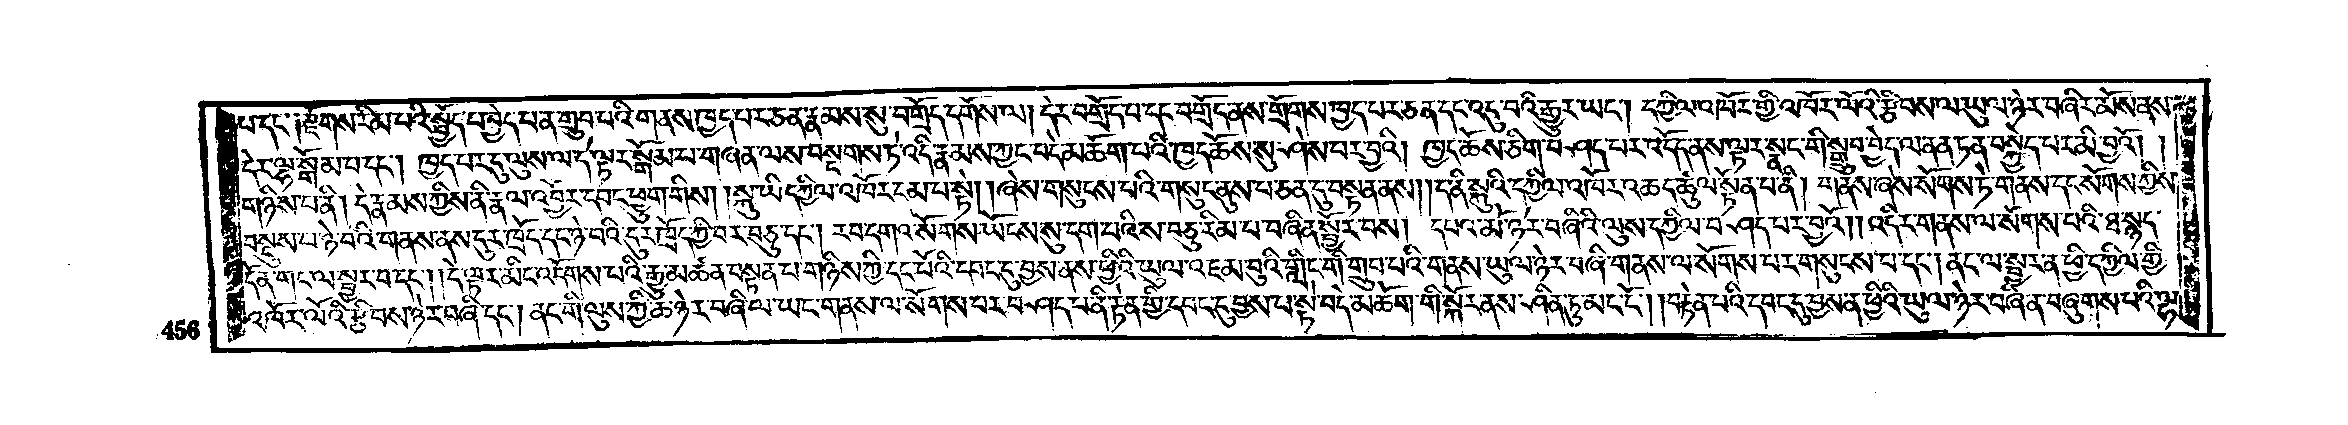པ་དང་། རྫོགས་རིམ་པའི་སྤྱོད་པ་བྱེད་པ་ན་གྲུབ་པའི་གནས་ཁྱད་པར་ཅན་རྣམས་སུ་བགྲོད་དགོས་ལ། དེར་བགྲོད་པ་དང་བགྲོད་ནས་གྲོགས་ཁྱད་པར་ཅན་དང་འདུ་བའི་རྒྱུར་ཡང་། དཀྱིལ་འཁོར་གྱི་འཁོར་ལོའི་རྩིབས་ལ་ཡུལ་ཉེར་བཞིར་མོས་ནས།
དེར་ལྷ་སྒོམ་པ་དང་། ཁྱད་པར་དུ་ལུས་ལ་དེ་ལྟར་སྒོམ་པ་གཞན་ལས་བསྔགས་ཏེ་འདི་རྣམས་ཀྱང་བདེ་མཆོག་པའི་ཁྱད་ཆོས་སུ་ཤེས་པར་བྱའི། ཁྱད་ཆོས་ཅིག་བཤད་པར་འདོད་ནས་ལྟར་སྣང་གི་སྒྲུབ་བྱེད་ལ་ནན་ཏན་བསྐྱེད་པར་མི་བྱའོ། །
གཉིས་པ་ནི། དེ་རྣམས་ཀྱིས་ནི་རྣལ་འབྱོར་དབང་ཕྱུག་གིས། །སྐུ་ཡི་དཀྱིལ་འཁོར་དམ་པ་སྟེ། །ཞེས་གསུངས་པའི་གསུང་ནུས་པ་ཅན་དུ་བསྟན་ནས། །ད་ནི་སྐུའི་དཀྱིལ་འཁོར་འཆད་ཚུལ་སྟོན་པ་ནི། གནས་ཞེས་སོགས་ཏེ་གནས་དང་སོགས་ཀྱིས་
བསྡུས་པ་ཉེ་བའི་གནས་ནས་དུར་ཁྲོད་དང་ཉེ་བའི་དུར་ཁྲོད་ཀྱི་བར་བཅུ་དང་། རབ་དགའ་སོགས་ཡོངས་སུ་དག་པའི་ས་བཅུ་རིམ་པ་བཞིན་སྦྱོར་བས། དཔའ་མོ་ཉེར་བཞིའི་ལུས་དཀྱིལ་བཤད་པར་བྱའོ། །འདིར་གནས་ལ་སོགས་པའི་ཐ་སྙད་
དོན་གང་ལ་སྦྱར་བ་དང་། །དེ་ལྟར་མིང་འདོགས་པའི་རྒྱུ་མཚན་བསྟན་པ་གཉིས་ཀྱི་དང་པོའི་དབང་དུ་བྱས་ནས་ཕྱིའི་ཡུལ་འཛམ་བུའི་གླིང་གི་གྲུབ་པའི་གནས་ཡུལ་ཉེར་བཞི་གནས་ལ་སོགས་པར་གསུངས་པ་དང་། ནང་ལ་སྦྱར་ན་ཕྱི་དཀྱིལ་གྱི་
འཁོར་ལོའི་རྩིབས་ཉེར་བཞི་དང་། ནང་གི་ལུས་ཀྱི་ཆ་ཉེར་བཞི་ལ་ཡང་གནས་ལ་སོགས་པར་བཤད་པ་ནི་རྟེན་གྱི་དབང་དུ་བྱས་པ་སྟེ་བདེ་མཆོག་གི་སྐོར་ནས་ཤིན་ཏུ་མང་ངོ། །བརྟེན་པའི་དབང་དུ་བྱས་ན་ཕྱིའི་ཡུལ་ཉེར་བཞི་ན་བཞུགས་པའི་ལྷ་